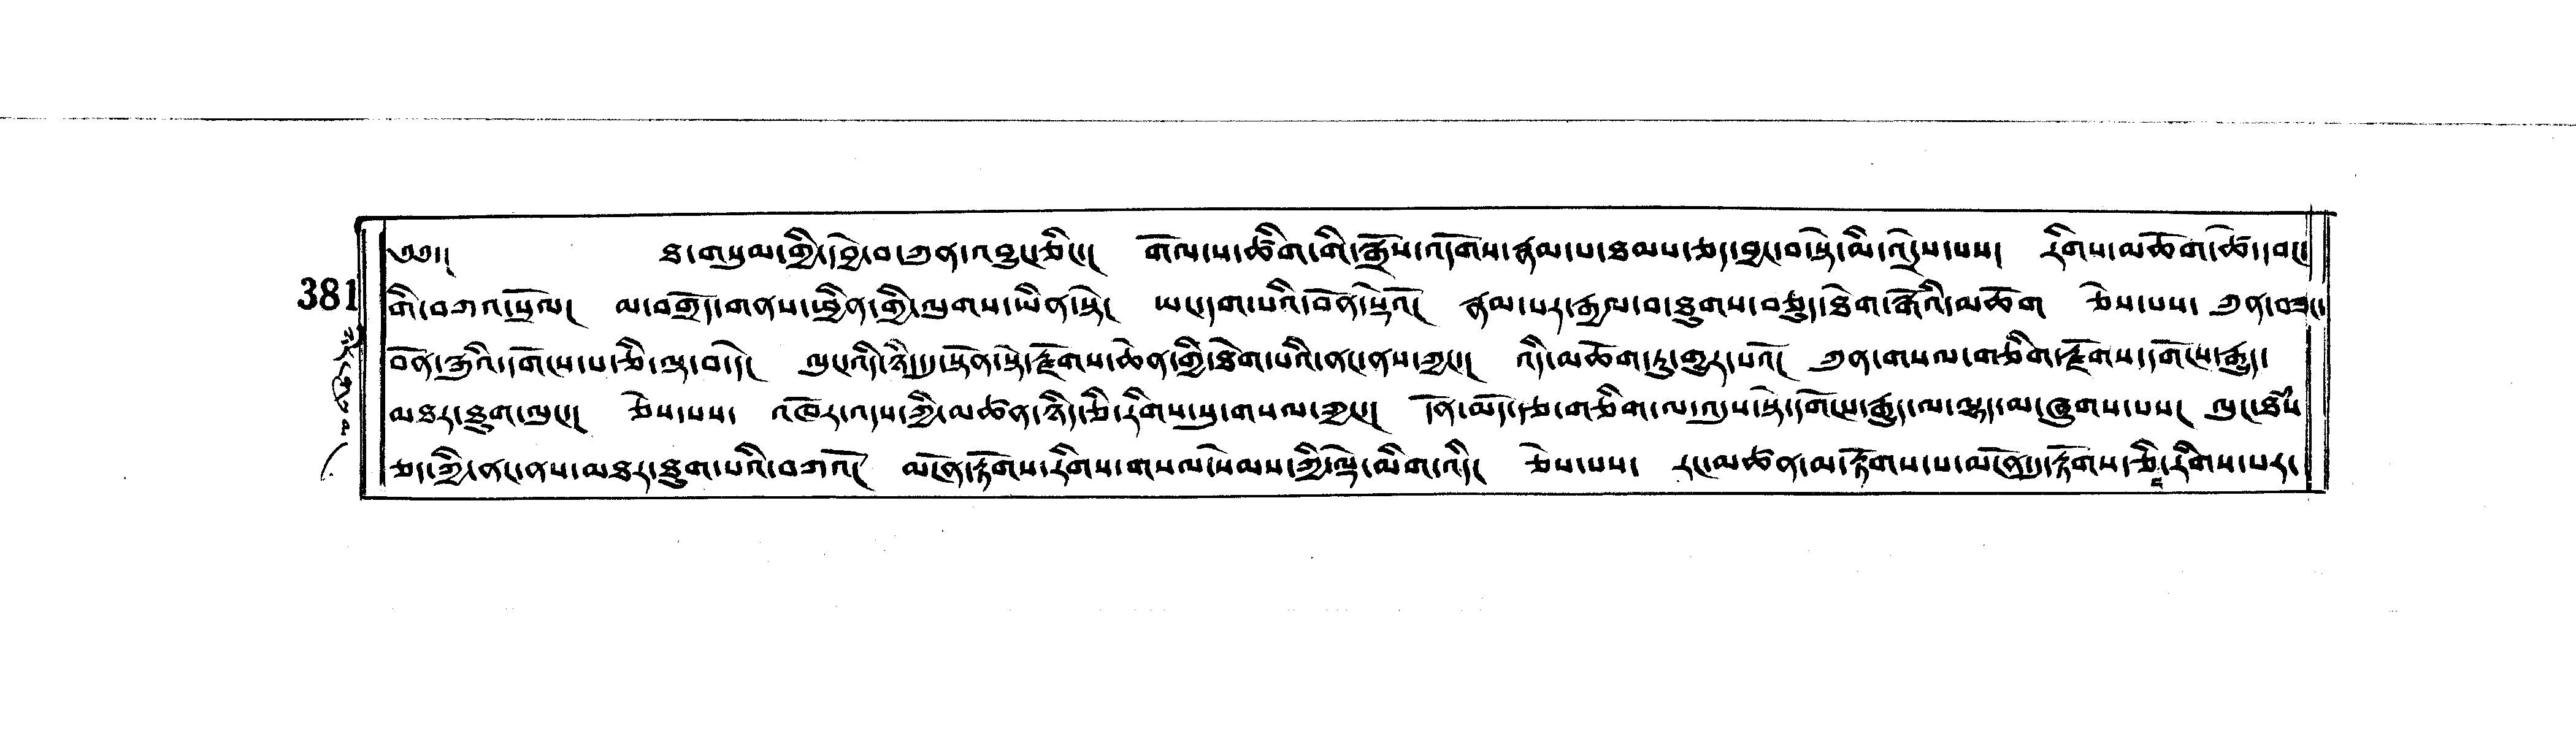ཐ་གསུམ་གྱི་དབྱེ་བ་ཀུན་འབྱུང་ཅིང་། གོལ་ས་ཚིག་གི་སྒྲོ་འདོགས་རྣམ་པ་ཐམས་ཅད་བྱང་བ་སྟེ་མི་འདྲེས་པས། རིག་མཆོག་ཚེ་དབང་
གི་བཀའ་སྲོལ། མ་བགྲོད་གནས་ཕྱིན་གྱི་ལུགས་ཡིན་ཏེ། ཡང་དག་པའི་བོན་སྡེའོ། རྣམ་པར་རྒྱལ་བ་ཐུགས་བཅུད་ཐེག་སྒོའི་མཆོག ཅེས་པས། ཀུན་བཟང་
བོན་སྐུའི་དགོངས་པ་ཅི་ལྟ་བ་དེ། ལུང་འདི་ཉིད་དུ་སྟོན་ཏེ་རྫོགས་ཆེན་གྱི་ཐེག་པའི་ནང་ནས་ཀྱང་འདི་མཆོག་ཏུ་གྱུར་པའོ། ཀུན་གསལ་གཅིག་རྫོགས་དགོངས་རྒྱུད་
མཐར་ཐུག་ལུང་། ཅེས་པས། འཁོར་འདས་ཀྱི་མཚན་ཉིད་ཅི་རིགས་སུ་གསལ་ཀྱང་། དོན་མདོ་རྩ་གཅིག་ལ་འདུས་ཏེ་དགོངས་རྒྱུད་ལ་ལྷད་མ་ཞུགས་པས། ལུང་ཐམས་
ཅད་ཀྱི་ནང་ནས་མཐར་ཐུག་པའི་བཀའ་འོ། མངོན་རྟོགས་རིག་གསལ་སེམས་ཀྱི་ལྡེ་མིག་འདི། ཅེས་པས། རང་མཚན་མ་རྟོགས་པ་མངོན་དུ་རྟོགས་ཤིང་རིག་པར་